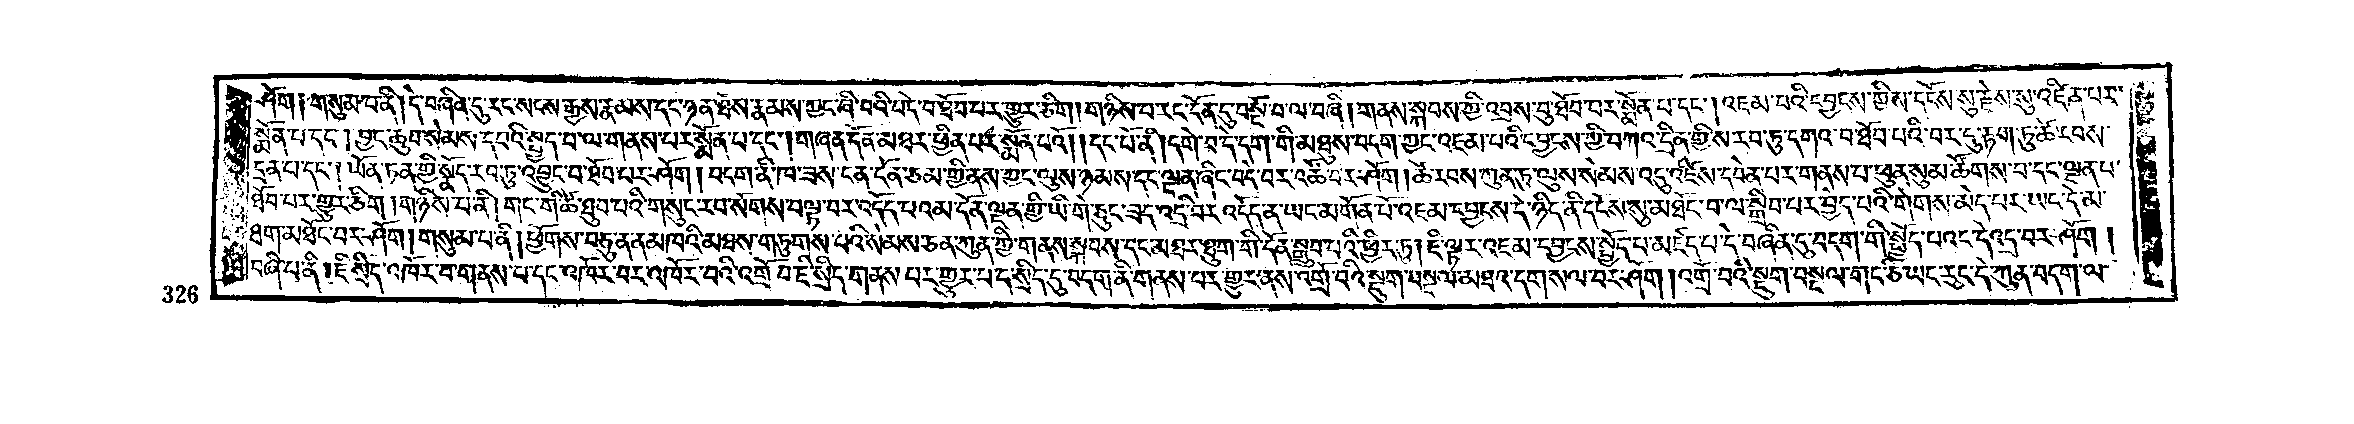ཤོག ༑གསུམ་པ་ནི། དེ་བཞིན་དུ་རང་སངས་རྒྱས་རྣམས་དང་ཉན་ཐོས་རྣམས་ཀྱང་ཞི་བའི་བདེ་བ་ཐོབ་པར་གྱུར་ཅིག །གཉིས་པ་རང་དོན་དུ་བསྔོ་བ་ལ་བཞི། གནས་སྐབས་ཀྱི་འབྲས་བུ་ཐོབ་པར་སྨོན་པ་དང་། འཇམ་པའི་དབྱངས་ཀྱིས་དངོས་སུ་རྗེས་སུ་འཛིན་པར་
སྨོན་པ་དང་། བྱང་ཆུབ་སེམས་དཔའི་སྤྱད་པ་ལ་གནས་པར་སྨོན་པ་དང་། གཞན་དོན་མཐར་ཕྱིན་པར་སྨོན་པའོ། །དང་པོ་ནི། དགེ་བ་དེ་དག་གི་མཐུས་བདག་ཀྱང་འཇམ་པའི་དབྱངས་ཀྱི་བཀའ་དྲིན་གྱིས་རབ་ཏུ་དགའ་བ་ཐོབ་པའི་བར་དུ་རྟག་ཏུ་ཚེ་རབས་
དྲན་པ་དང་། ཡོན་ཏན་གྱི་སྣོད་རབ་ཏུ་འབྱུང་བ་ཐོབ་པར་ཤོག །བདག་ནི་ཁ་ཟས་ངན་དོན་ཙམ་གྱི་ནས་ཀྱང་ལུས་ཉམས་དང་ལྡན་ཞིང་བདེ་བར་འཚོ་བར་ཤོག །ཚེ་རབས་ཀུན་ཏུ་ལུས་སེམས་འདུ་འཛིས་དབེན་པར་གནས་པ་ཕུན་སུམ་ཚོགས་པ་དང་ལྡན་པ་
ཐོབ་པར་གྱུར་ཅིག །གཉིས་པ་ནི། གང་གི་ཚེ་ཐུབ་པའི་གསུང་རབ་སོགས་བལྟ་བར་འདོད་པའམ་དོན་ལྡན་གྱི་ཡི་གེ་ཅུང་ཟད་འདྲི་བར་འདོད་ན་ཡང་མགོན་པོ་འཇམ་དབྱངས་དེ་ཉིད་ནི་དངོས་སུ་མཐོང་བ་ལ་སྒྲིབ་པར་བྱེད་པའི་གེགས་མེད་པར་ཡང་དེ་མ་
ཐག་མཐོང་བར་ཤོག །གསུམ་པ་ནི། ཕྱོགས་བཅུ་ན་ནམ་མཁའི་མཐས་གཏུགས་པའི་སེམས་ཅན་ཀུན་གྱི་གནས་སྐབས་དང་མཐར་ཐུག་གི་དོན་སྒྲུབ་པའི་ཕྱིར་ཏུ། ཇི་ལྟར་འཇམ་དབྱངས་སྤྱོད་པ་མཛད་པ་དེ་བཞིན་དུ་བདག་གི་སྤྱོད་པའང་དེ་འདྲ་བ་ཤོག །
བཞི་པ་ནི། ཇི་སྲིད་འཁོར་བ་གནས་པ་དང་འཁོར་བར་འཁོར་བའི་འགྲོ་བ་ཇི་སྲིད་གནས་པར་གྱུར་པ་དེ་སྲིད་དུ་བདག་ནི་གནས་པར་གྱུར་ནས་འགྲོ་བའི་སྡུག་བསྔལ་མཐའ་དག་སེལ་བར་ཤོག །འགྲོ་བའི་སྡུག་བསྔལ་གང་ཅི་ཡང་རུང་དེ་ཀུན་བདག་ལ་